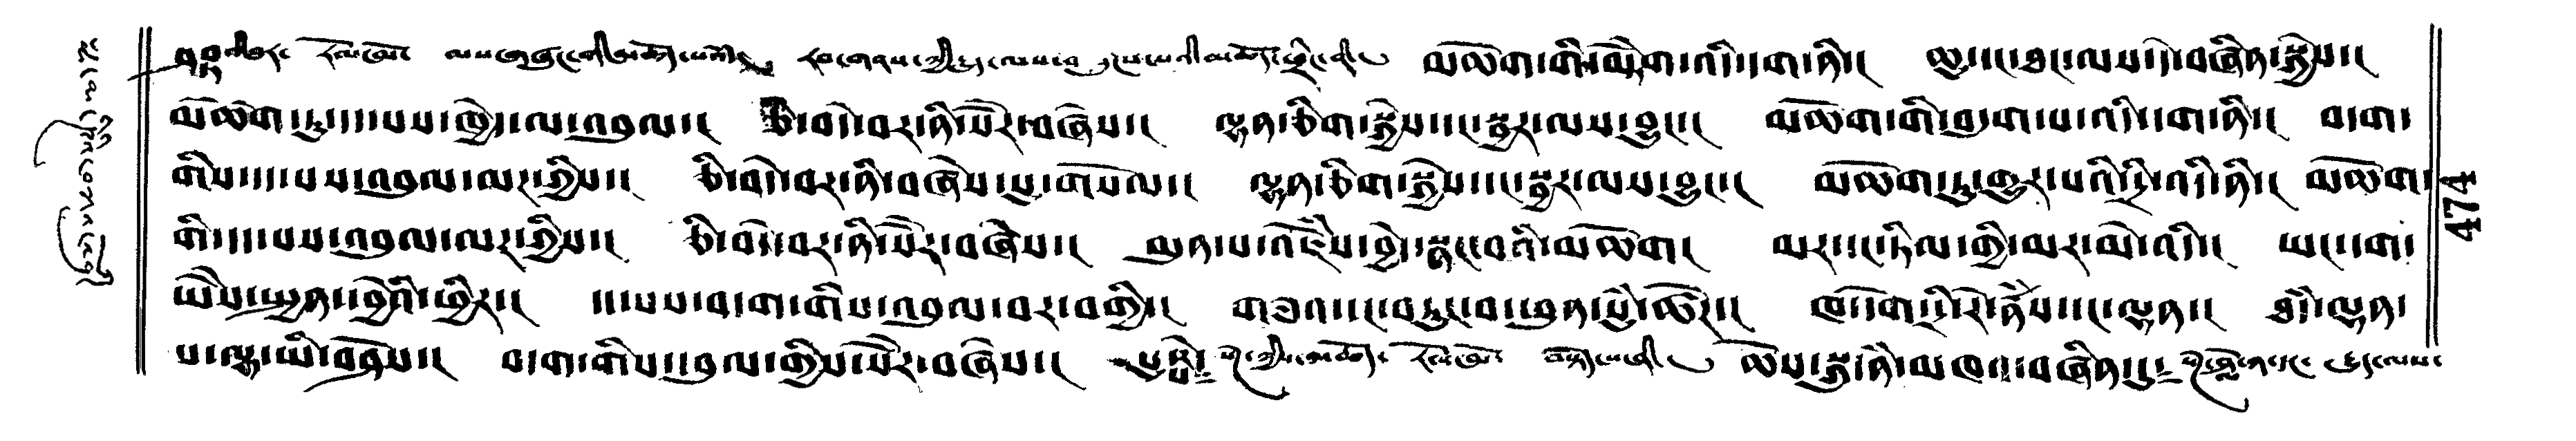ཤབྟའི་བར། རོལ་མོ། ལས་གཞུང་གི་མཆོད་པའམ། རབ་གནས་ཀྱི་རྒྱུད་ལས་གསུངས་པའི་མཆོད་ཕྲེང་ནི། མཆོག་གི་མེ་ཏོག་འདི་དག་ནི། །ཆུ་དང་ཐང་ལས་དེ་བཞིན་སྐྱེས། །
མཆོག་ཏུ་དད་པས་ཁྱེད་ལ་འབུལ། །ཅི་བདེ་བར་ནི་སོ་སོར་བཞེས། །ལྷན་ཅིག་སྐྱེས་དང་སྦྱར་ལས་བྱུང་། །མཆོག་གི་བདུག་པ་འདི་དག་ནི། །བདག་
གིས་དད་པས་འབུལ་ལགས་ཀྱིས། །ཅི་བདེ་བར་ནི་བཞེས་སུ་གསོལ། །ལྷན་ཅིག་སྐྱེས་དང་སྦྱར་ལས་བྱུང་། །མཆོག་ཏུ་གྱུར་པའི་དྲི་འདི་ནི། །མཆོག་
གི་དད་པས་འབུལ་ལགས་ཀྱིས། །ཅི་བདེ་བར་ནི་སོ་སོར་བཞེས། །མུན་པ་འཇོམས་བྱེད་སྣང་བའི་མཆོག །མར་དང་ཏིལ་གྱི་མར་མེ་འདི། །ཡང་དག་
ཡེ་ཤེས་དབྱེ་བྱའི་ཕྱིར། །དད་པས་བདག་གིས་འབུལ་བར་བགྱི། །གཟའ་དང་བཏུང་བ་ཕུན་སུམ་ཚོགས། ཁ་དོག་དྲི་རོ་རྣམས་དང་ལྡན། ཐམས་ཅད་ལྡན་
པ་ལྷ་ཡི་བཤོས། །བདག་གིས་དབུལ་གྱིས་སོ་སོར་བཞེས། པུཥྤེ༴ སོགས་ཀྱིས་མཆོད། རོལ་མོ། བསྟོད་པ་ནི། ཆོས་སྐུ་ནམ་མཁའ་བཞིན་དུ༴ སོགས་ཤྭ་ལོ་ཀ་དང་། རྒྱུད་ལས་